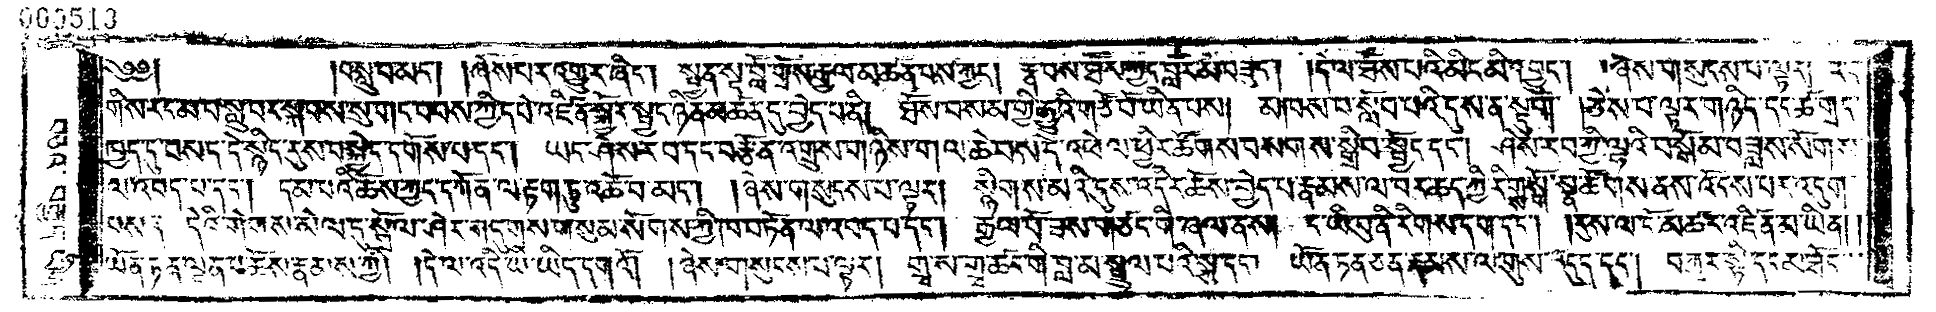༄༅། །བསླུ་བ་མང་། །ཞེས་པར་འགྱུར་ཞིང་། སྤྱན་སྔ་བློ་གྲོས་རྒྱལ་མཚན་པས་ཀྱང་། རྣ་བས་ཐོས་ཀྱང་བློར་མ་བཟུང་། །དེ་ལ་ཐོས་པའི་མིང་མི་འབྱུང་། །ཞེས་གསུངས་པ་ལྟར། རང་
གིས་རང་མ་བསླུ་བར་སྐབས་སུ་གང་བབས་ཀྱི་དཔེ་འཛིན་སྐྱོར་སྦྱང་ཉིན་མཚན་དུ་བྱེད་པ་ནི། ཐོས་བསམ་གྱི་རྒྱུའི་གཙོ་བོ་ཡིན་པས། མཁས་པ་སློབ་པའི་དུས་ན་སྡུག །ཅེས་པ་ལྟར་གཉིད་དང་ཚ་གྲང་
ཁྱད་དུ་བསད་དེ་སྙིང་རུས་བསྐྱེད་དགོས་པ་དང་། ཡང་ཤེས་རབ་དང་བརྩོན་འགྲུས་གཉིས་གལ་ཆེ་བས་དེ་འཕེལ་ཕྱིར་ཚོགས་བསགས་སྒྲིབ་སྦྱོང་དང་། ཤེས་རབ་ཀྱི་ལྷའི་བསྒོམ་བཟླས་སོགས་
ལ་འབད་པ་དང་། དམ་པའི་ཆོས་ཀྱང་དཀོན་ལ་རྟག་ཏུ་འཚེ་བ་མང་། །ཞེས་གསུངས་པ་ལྟར། སྙིགས་མའི་དུས་འདིར་ཆོས་བྱེད་པ་རྣམས་ལ་བར་ཆད་ཀྱི་རིགས་སྒོ་སྣ་ཚོགས་ནས་འོངས་པར་འདུག་
པས༑ དེའི་གེགས་སེལ་དུ་སྒྲོལ་ཤེར་གདུགས་གསུམ་སོགས་ཀྱི་ཁ་བཏོན་ལ་འབད་པ་དང་། རྒྱལ་པོ་ཟས་གཙང་གི་ཞལ་ནས། ང་ཡི་བུ་ནི་རིགས་དག་དང་། །རུས་ལ་ངོ་མཚར་འཛིན་མ་ཡིན། །
ཡོན་ཏན་ལྡན་པ་ཆོས་རྣམས་ཀྱི། །དེ་ལ་འདི་ཡི་ཡིད་དགའོ། །ཞེས་གསུངས་པ་ལྟར། གྲྭ་ས་གྲྭ་ཚང་གི་བླ་མ་སྤྲུལ་པའི་སྐུ་དང་། ཡོན་ཏན་ཅན་རྣམས་ལ་གུས་འདུད་དང་། བཀུར་སྟི་དང་མཐོང་